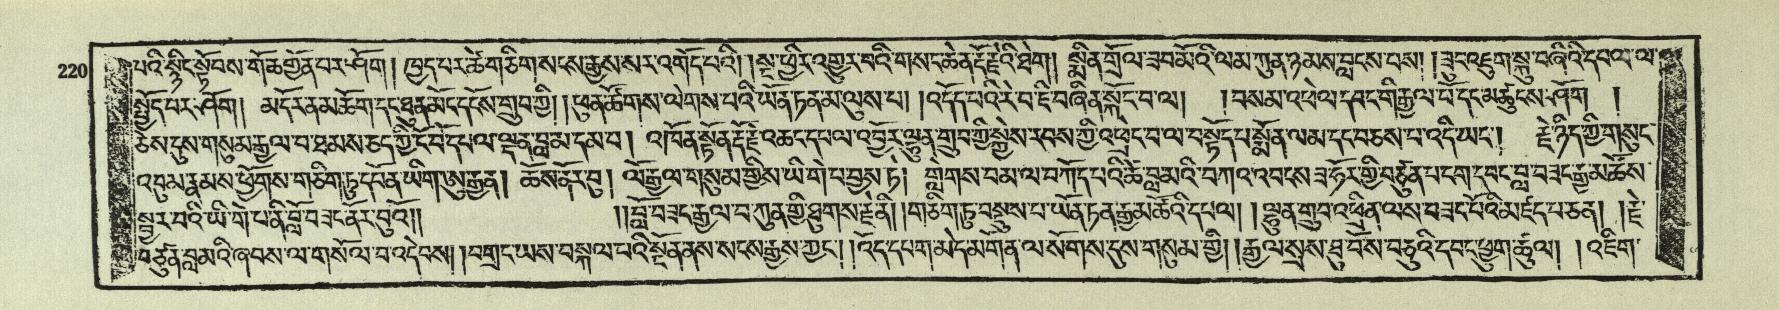པའི་སྙིང་སྟོབས་གོ་ཆ་གྱོན་པར་ཤོག །ཁྱད་པར་ཚེ་གཅིག་སངས་རྒྱས་སར་འགོད་པའི། །སྔ་ཕྱིར་འགྱུར་བའི་གསང་ཆེན་རྡོ་རྗེའི་ཐེག། སྨིན་གྲོལ་ཟབ་མོའི་ལམ་ཀུན་ཉམས་བླངས་པས། །ཟུང་འཇུག་སྐུ་བཞིའི་དཔལ་ལ་
སྤྱོད་པར་ཤོག །མདོར་ན་མཆོག་དང་ཐུན་མོང་དངོས་གྲུབ་ཀྱི། །ཕུན་ཚོགས་ལེགས་པའི་ཡོན་ཏན་མ་ལུས་པ། །འདོད་པའི་རེ་བ་ཇི་བཞིན་སྐོང་བ་ལ། །བསམ་འཕེལ་དབང་གི་རྒྱལ་པོ་དང་མཚུངས་ཤོག །
ཅེས་དུས་གསུམ་རྒྱལ་བ་ཐམས་ཅད་ཀྱི་ངོ་བོ་དཔལ་ལྡན་བླ་མ་དམ་པ། འཁོན་སྟོན་རྡོ་རྗེ་འཆང་དཔལ་འབྱོར་ལྷུན་གྲུབ་ཀྱི་སྐྱེས་རབས་ཀྱི་འཕྲེང་བ་ལ་བསྟོད་པ་སྨོན་ལམ་དང་བཅས་པ་འདི་ཡང་། རྗེ་ཉིད་ཀྱི་གསུང་
འབུམ་རྣམས་ཕྱོགས་གཅིག་ཏུ་དཔོན་ཡིག་ཨུ་རྒྱན། ཆོས་ནོར་བུ། ལོ་རྒྱལ་གསུམ་གྱིས་ཡི་གེ་པ་བྱས་ཏེ། གླེགས་བམ་ལ་བཀོད་པའི་ཚེ་བླ་མའི་བཀའ་འབངས་ཟ་ཧོར་གྱི་བཙུན་པ་ངག་དབང་བློ་བཟང་རྒྱ་མཚོས་
སྦྱར་བའི་ཡི་གེ་པ་ནི་བློ་བཟང་ནོར་བུའོ།། །།བློ་བཟང་རྒྱལ་བ་ཀུན་གྱི་ཐུགས་རྗེ་ནི། །གཅིག་ཏུ་བསྡུས་པ་ཡོན་ཏན་རྒྱ་མཚོའི་དཔལ། །ལྷུན་གྲུབ་འཕྲིན་ལས་བཟང་པོའི་མཛད་པ་ཅན། །རྗེ་
བཙུན་བླ་མའི་ཞབས་ལ་གསོལ་བ་འདེབས། །བགྲང་ཡས་བསྐལ་བའི་སྔོན་ནས་སངས་རྒྱས་ཀྱང་། །འོད་དཔག་མེད་མགོན་ལ་སོགས་དུས་གསུམ་གྱི། །རྒྱལ་སྲས་ཐུ་བོས་བཅུའི་དབང་ཕྱུག་ཚུལ། །འཇིག་